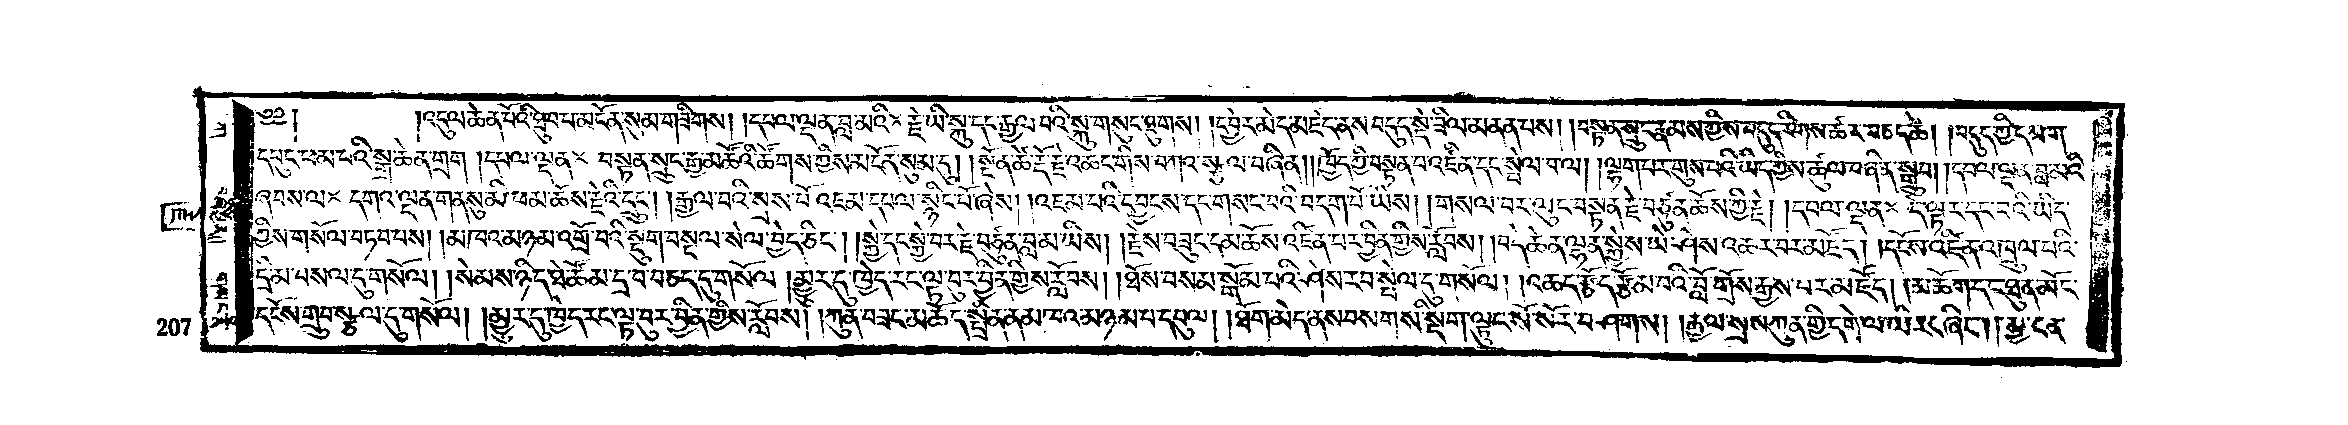༄༅། །འདུལ་ཆེན་པོའི་ཐུབ་པ་མངོན་སུམ་གཟིགས། །དཔལ་ལྡན་བླ་མའི྾་རྗེ་ཡི་སྐུ་དང་རྒྱལ་བའི་སྐུ་གསུང་ཐུགས། །དབྱེར་མེད་མཛད་ནས་བདུད་སྡེ་ཟིལ་མནན་པས། །བསྟན་སྲུང་རྣམས་ཀྱིས་བདུད་རིགས་ཚར་བཅད་ཚེ། །བདུད་ཀྱི་དམག་
དཔུང་ཕམ་པའི་སྒྲ་ཆེན་གྲག །དཔལ་ལྡན྾་བསྟན་སྲུང་རྒྱ་མཚོའི་ཚོགས་ཀྱིས་མངོན་སུམ་དུ། །སྔོན་ཚེ་རྡོ་རྗེ་འཆང་གིས་བཀའ་སྩལ་བཞིན། །ཁྱོད་ཀྱི་བསྟན་པ་འཛིན་དང་སྤེལ་བ་ལ། །ལྷག་པར་གུས་པའི་ཡིད་ཀྱིས་ཚུལ་བཞིན་སྒྲུབ། །དཔལ་ལྡན་བླ་མའི་
ཞབས་ལ྾་དགའ་ལྡན་གནས་སུ་མི་ཕམ་ཆོས་རྗེའི་དྲུང་། །རྒྱལ་བའི་སྲས་པོ་འཇམ་དཔལ་སྙིང་པོ་ཞེས། །འཇམ་པའི་དབྱངས་དང་གསང་བའི་བདག་པོ་ཡིས། །གསལ་བར་ལུང་བསྟན་རྗེ་བཙུན་ཆོས་ཀྱི་རྗེ། །དཔལ་ལྡན྾་དེ་ལྟར་དང་བའི་ཡིད་
ཀྱིས་གསོལ་བཏབ་པས། །མཁའ་མཉམ་འགྲོ་བའི་སྡུག་བསྔལ་སེལ་བྱེད་ཅིང་། །སྐྱེ་དང་སྐྱེ་བར་རྗེ་བཙུན་བླ་མ་ཡིས། །རྗེ་བཟུང་དམ་ཆོས་འཛིན་པར་བྱིན་གྱིས་རློབས། །བདེ་ཆེན་ལྷན་སྐྱེས་ཡེ་ཤེས་འཆར་བར་མཛོད། །དངོས་འཛིན་ཁྲུལ་པའི་
དྲི་མ་བསལ་ཏུ་གསོལ། །སེམས་ཉིད་ཐེ་ཚོམ་དྲ་བ་བཅད་དུ་གསོལ། །མྱུར་དུ་ཁྱེད་རང་ལྟ་བུར་བྱིན་གྱིས་རློབས། །ཐོས་བསམ་སྒོམ་པའི་ཤེས་རབ་སྤེལ་དུ་གསོལ། །འཆད་རྩོད་རྩོམ་པའི་བློ་གྲོས་རྒྱས་པར་མཛོད། །མཆོག་དང་ཐུན་མོང་
དངོས་གྲུབ་སྩལ་དུ་གསོལ། །མྱུར་དུ་ཁྱེད་རང་ལྟ་བུར་བྱིན་གྱིས་རློབས། །ཀུན་བཟང་མཆོད་སྤྲིན་ནམ་མཁའ་མཉམ་པ་དབུལ། །ཐོག་མེད་ནས་བསགས་སྡིག་ལྟུང་སོ་སོར་བཤགས། །རྒྱལ་སྲས་ཀུན་གྱི་དགེ་ལ་ཡི་རང་ཞིང་། །མྱ་ངན་